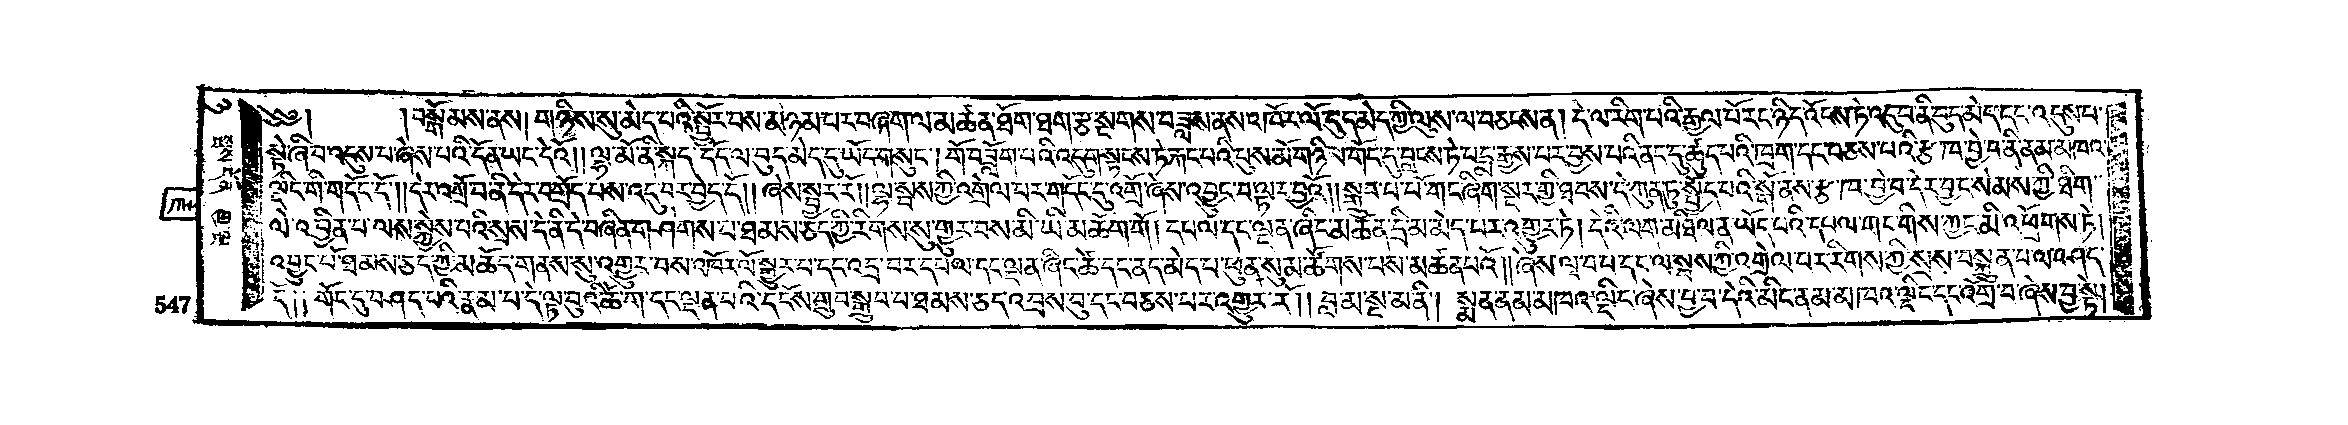༄༅། །བསྒོམས་ནས། གཉིས་སུ་མེད་པའི་སྦྱོར་བས་མཉམ་པར་བཞག་ལ་མཚན་ཐོག་ཐག་རྩ་སྔགས་བཟླས་ནས་འཁོར་ལོ་བུད་མེད་ཀྱི་ལུས་ལ་བཅངས་ན། དེ་ལ་རིག་པའི་རྒྱལ་པོ་རང་ཉིད་འོངས་ཏེ་འདུ་བ་ནི་བུད་མེད་དང་འདུས་པ་
སྟེ་ཞི་བ་འདུས་པ་ཞེས་པའི་དོན་ཡང་དེའོ། །ལྷ་མོ་ནི་སྐད་དོད་ལ་བུད་མེད་དུ་ཡོད་གསུང་། གོ་བཟློག་པའི་འདུག་སྟངས་ཏེ་རྐང་པའི་པུས་མོ་གཉིས་གོང་དུ་བླངས་ཏེ་པདམ་རྒྱས་པར་བྱས་པའི་ནང་དུ་ཚུད་པའི་ཁྲག་དང་བཅས་པའི་རྩ་ཁ་བྱེ་བ་ནི་དོད་ལ་བུད་མེད་དུ་ཡོད་གསུང་། གོ་བཟློག་པའི་འདུག་སྟངས་ཏེ་འདུ་བར་བྱེད་དོ། །ཞེས་སྦྱར་རོ། །ལྷ་སྦས་ཀྱི་འགྲེལ་པར་གདོང་དུ་འགྲོ་ཞེས་འབྱུང་བ་ལྟར་བྱའོ་།སྒྲུབ་པ་པོ་གང་ཞིག་སྔར་གྱི་ཐབས་དེ་ཀུན་ཏུ་སྤྱོད་པའི་སྒོ་ནས་རྩ་ཁ་བྱེ་བ་དེར་བྱང་སེམས་ཀྱི་ཐིག་
ལེ་འབྱིན་པ་ལས་སྐྱེས་པའི་སྲས་དེ་ནི་དེ་བཞིན་གཤེགས་པ་ཐམས་ཅད་ཀྱི་རིགས་སུ་གྱུར་བས་མི་ཡི་མཆོག་གོ །དཔལ་དང་ལྡན་ཞིང་མཚན་དྲི་མ་མེད་པར་འགྱུར་ཏེ། དེའི་ལག་མཐིལ་ན་ཡོད་པའི་དཔལ་གང་གིས་ཀྱང་མི་འཕྲོགས་ཏེ།
འབྱུང་པོ་ཐམས་ཅད་ཀྱི་མཆོད་གནས་སུ་འགྱུར་བས་འཁོར་ལོ་སྒྱུར་བ་དང་འདྲ་བར་དཔལ་དང་ལྡན་ཞིང་ཚེ་དང་ནད་མེད་པ་ཕུན་སུམ་ཚོགས་པས་མཚན་པའོ། །ཞེས་ལྭ་བ་པ་དང་ལ་སྦས་ཀྱི་འགྲེལ་པར་རིགས་ཀྱི་སྲས་བསྐྲུན་པ་ལ་བཤད་
དོ། །གོང་དུ་བཤད་པའི་རྣམ་པ་དེ་ལྟ་བུའི་ཆོ་ག་དང་ལྡན་པའི་དངོས་གྲུབ་སྒྲུབ་པ་ཐམས་ཅད་འབྲས་བུ་དང་བཅས་པར་འགྱུར་རོ། །བླ་མ་སྔ་མ་ནི། སྨན་ནམ་མཁའ་ལྡིང་ཞེས་བྱ་བ་དེའི་མིང་ནམ་མཁའ་ལྡིང་དང་འགྲོ་བ་ཞེས་བྱ་སྟེ།